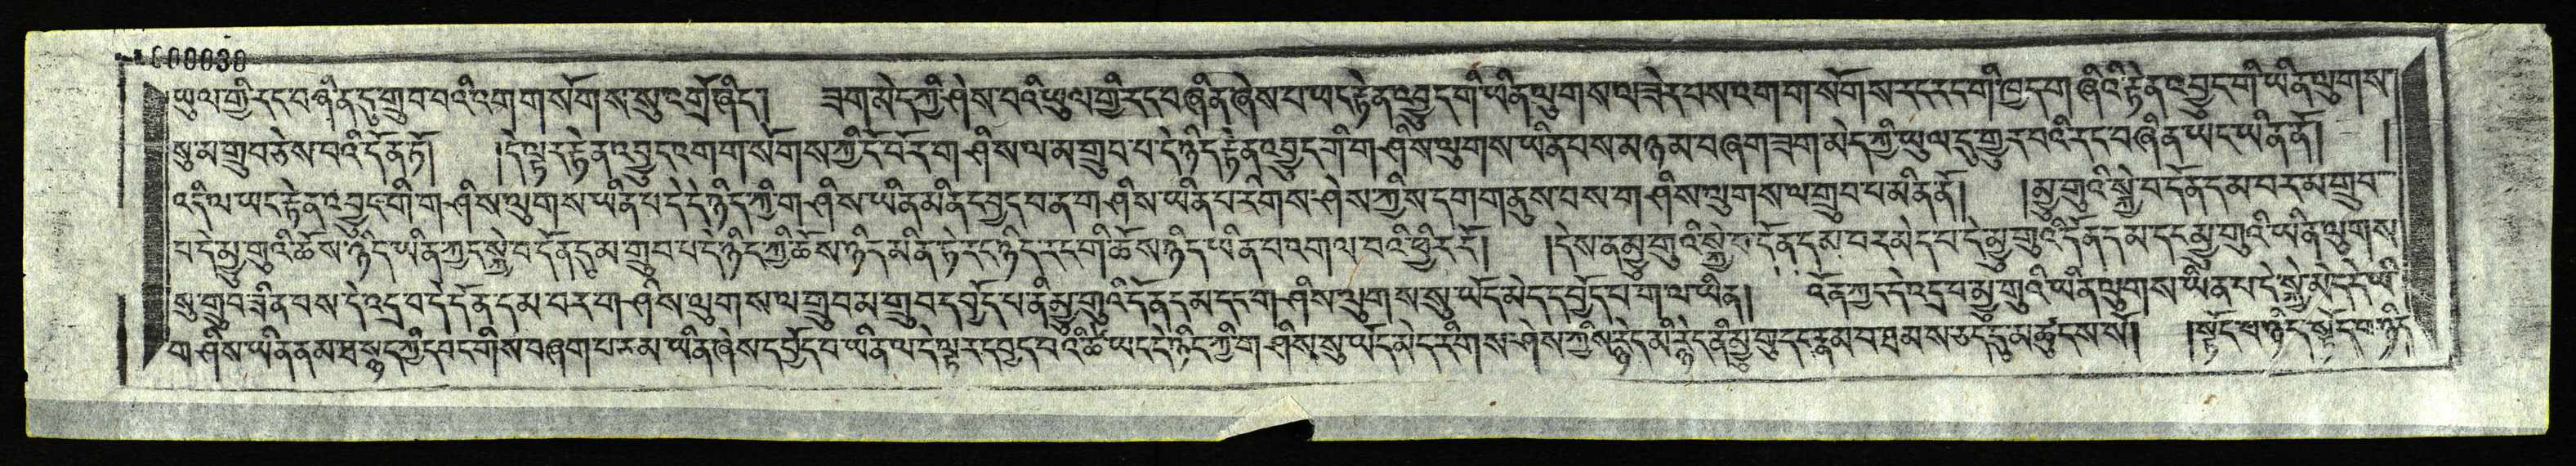ཡུལ་གྱི་རང་བཞིན་དུ་གྲུབ་པའི་འགག་སོགས་སུ་འགྲོ་ཞིང་། ཟག་མེད་ཀྱི་ཤེས་བའི་ཡུལ་གྱི་རང་བཞིན་ཞེས་པ་ཡང་རྟེན་འབྱུང་གི་ཡིན་ལུགས་ལ་ཟེར་བས་འགག་སོགས་རང་རང་གི་ཁྱད་གཞིའི་རྟེན་འབྱུང་གི་ཡིན་ལུགས་
སུ་མ་གྲུབ་ཅེས་བའི་དོན་ཏོ། །དེ་ལྟར་རྟེན་འབྱུང་འགག་སོགས་ཀྱི་ངོ་བོར་གཤི་ས་ལ་མ་གྲུབ་པ་དེ་ཉིད་རྟེན་འབྱུང་གི་གཤིས་ལུགས་ཡིན་པས་མཉམ་བཞག་ཟག་མེད་ཀྱི་ཡུལ་དུ་གྱུར་བའི་རང་བཞིན་ཡང་ཡིན་ནོ། །
འདི་ལ་ཡང་རྟེན་འབྱུང་གི་གཤིས་ལུགས་ཡིན་པ་དེ་དེ་ཉིད་ཀྱི་གཤིས་ཡིན་མིན་དབྱད་བ་ན་གཤིས་ཡིན་པ་རིགས་ཤེས་ཀྱིས་དགག་ནུས་པས་གཤིས་ལུགས་ལ་གྲུབ་པ་མིན་ནོ། །མྱུ་གུའི་སྐྱེ་བ་དོན་དམ་བར་མ་གྲུབ་
པ་དེ་མྱུ་གུའི་ཆོས་ཉིད་ཡིན་ཀྱང་སྐྱེ་བ་དོན་དུ་མ་གྲུབ་པ་དེ་ཉིད་ཀྱི་ཆོས་ཉིད་མིན་ཏེ་རང་ཉིད་རང་གི་ཆོས་ཉིད་ཡིན་པ་འགལ་བའི་ཕྱིར་རོ། །དེས་ན་མྱུ་གུ་འི་སྐྱེ་བ་དོན་དམ་བར་མེད་པ་དེ་མྱུ་གུའི་དོན་དམ་དང་མྱུ་གུའི་ཡིན་ལུགས་
སུ་གྲུབ་ཟིན་བས་དེ་འདྲ་བ་དེ་དོན་དམ་བར་གཤིས་ལུགས་ལ་གྲུབ་མ་གྲུབ་དབྱོད་པ་ནི་མྱུ་གུའི་དོན་དམ་དང་གཤིས་ལུགས་སུ་ཡོད་མེད་དཔྱོད་པ་གལ་ཡིན། འོན་ཀྱང་དེ་འདྲ་བ་མྱུ་གུའི་ཡིན་ལུགས་ཡིན་པ་དེ་སྐྱེ་མེད་དེ་ཡི་
གཤིས་ཡིན་ནམ་ཐ་སྙད་ཀྱི་དབང་གིས་བཞག་པ་ནམ་ཡིན་ཞེས་དབྱོད་བ་ཡིན་ལ་དེ་ལྟར་དབྱད་པའི་ཚེ་ཡང་དེ་ཉིད་ཀྱི་གཤིས་སུ་ཡོད་མེད་རིགས་ཤེས་ཀྱིས་རྙེད་མི་རྙེད་ནི་མྱུ་གུ་དང་རྣམ་བ་ཐམས་ཅད་དུ་མཚུངས་སོ། །སྟོང་པ་ཉིད་སྟོང་པ་ཉིད་